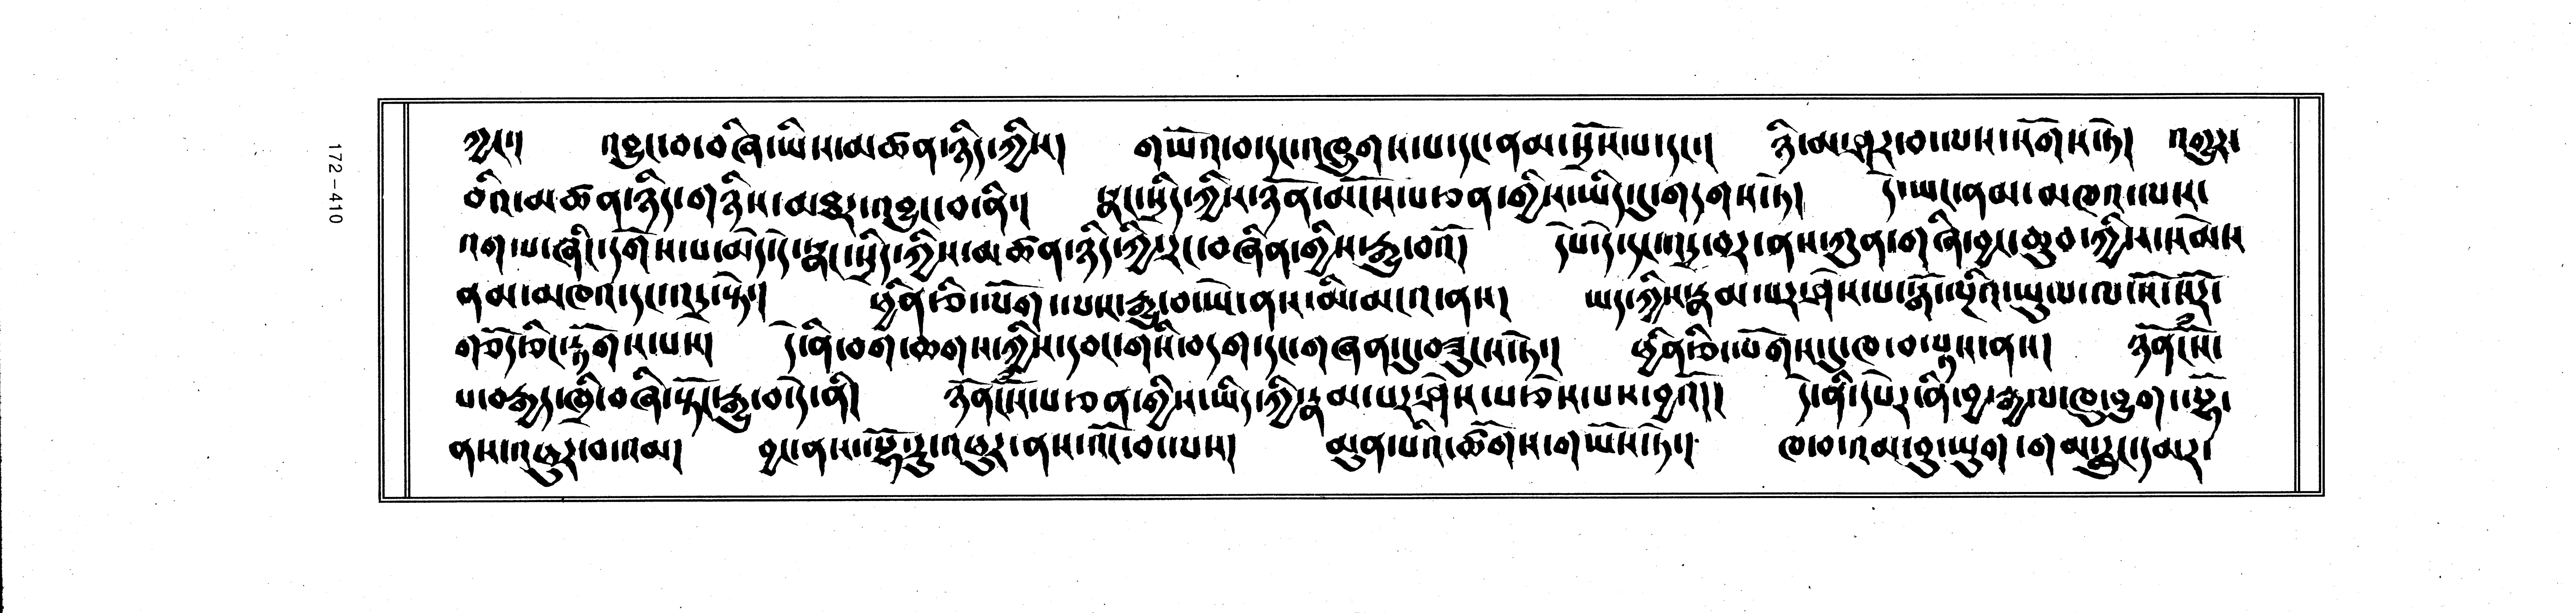འབྱུང་བ་བཞི་ཡིས་མཚན་ཉིད་ཀྱིས། གཡོའ་བ་དང་འཁྲུགས་པ་དང་ནམ་སྲོས་པ་དང་། ཉི་མ་ཤར་བ་ལས་སོགས་ཏེ། འགྱུར་
བའི་མཚན་ཉིད་གཉིས་མཐར་འབྱུང་བ་ནི། སྣང་སྲིད་ཀྱིས་ཉོན་མོངས་པ་ཅན་གྱིས་ཡིད་དུ་གདགས་ཏེ། དེ་ཡང་ནམ་མཁའ་ལས་
འགལ་ཞིང་དོགས་པ་མེད་དེ་སྣང་སྲིད་ཀྱིས་མཚན་ཉིད་ཀྱི་རང་བཞིན་གྱིས་རྒྱུ་བའོ། དཔེ་དེ་དང་འདྲ་བར་ནས་ཀུན་གཞི་བྱང་ཆུབ་ཀྱིས་སེམས་
ནམ་མཁའ་དང་འདྲ་སྟེ། ཕྱིན་ཅི་ལོག་ལས་རྒྱུ་བ་ཡེ་ནས་མི་མངའ་ནས། ཡིད་ཀྱིས་རྣམ་པར་ཤེས་པ་སྒོ་ལྔའི་ཡུལ་ལ་སོ་སོར་
གཅོད་ཅིང་རྟོགས་པས། དེ་ནི་བག་ཆགས་ཀྱིས་དབང་གིས་བདག་དང་གཞན་དུ་བཟུངས་ཏེ། ཕྱིན་ཅི་ལོག་དུ་ཁ་བལྟས་ནས། ཉོན་མོངས་
པ་བརྒྱད་ཁྲི་བཞི་སྟོང་རྒྱུ་བ་དེ་ནི། ཉོན་མོངས་པ་ཅན་གྱིས་ཡིད་ཀྱི་རྣམ་པར་ཤེས་པ་ཅེས་པས་བྱའོ། དེ་ནི་དཔེར་ནི་བྱ་རྒྱལ་ཁུ་བྱུག་ལྷོ་
ནས་འཕུར་བ་འམ། བྱང་ནས་ལྷོ་རུ་འཕུར་ནས་འོང་བ་ལས། མུན་པའི་ཚོགས་གཡོས་ཏེ། ཁ་བ་འམ་བུ་ཡུག་གམ་རླུང་དམར་